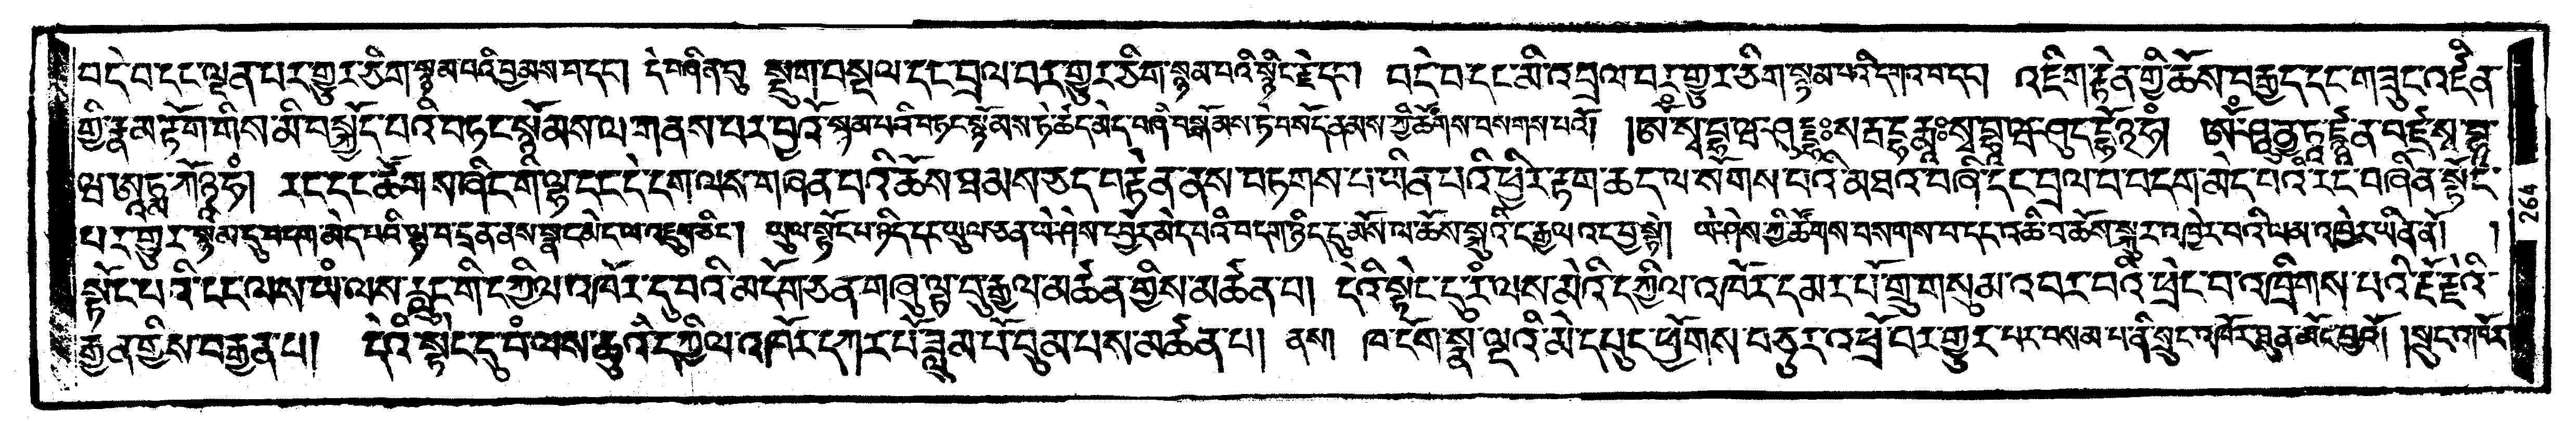བདེ་བ་དང་ལྡན་པར་གྱུར་ཅིག་སྙམ་པའི་བྱམས་པ་དང་། དེ་བཞིན་དུ། སྡུག་བསྔལ་དང་བྲལ་བར་གྱུར་ཅིག་སྙམ་པའི་སྙིང་རྗེ་དང་། བདེ་བ་དང་མི་འབྲལ་བར་གྱུར་ཅིག་སྙམ་པའི་དགའ་བ་དང་། འཇིག་རྟེན་གྱི་ཆོས་བརྒྱད་དང་གཟུང་འཛིན་
གྱི་རྣམ་རྟོག་གིས་མི་བསྐྱོད་པའི་བཏང་སྙོམས་ལ་གནས་པར་བྱའོ་སྙམ་པའི་བཏང་སྙོམས་ཏེ་ཚད་མེད་བཞི་བསྒོམས་ཏེ་བསོད་ནམས་ཀྱི་ཚོགས་བསགས་པའོ། །ཨོཾ་སྭ་བྷ་ཝ་ཤུདྡྷཿསརྦ་དྷརྨཱཿསྭ་བྷཱ་ཝ་ཤུད་དྷོཉ་ཧཾ། ཨོཾ་ཤཱནྱ་ཏཱ་ཛྙཱ་ན་བཛྲ་སྭ་བྷཱ་
ཝ་ཨཱཏྨ་ཀོཉཱཧཾ། རང་དང་ཚོགས་ཞིང་གི་ལྷ་དང་དེ་དག་ལས་གཞན་པའི་ཆོས་ཐམས་ཅད་བརྟེན་ནས་བཏགས་པ་ཡིན་པའི་ཕྱིར་རྟག་ཆད་ལ་སོགས་པའི་མཐའ་བཞི་དང་བྲལ་བ་བདག་མེད་པའི་རང་བཞིན་སྟོང་
པར་གྱུར་སྙམ་དུ་བདག་མེད་པའི་ལྟ་བ་དྲན་ནས་སྣང་མེད་ལ་འཇུག་ཅིང་། ཡུལ་སྟོང་པ་ཉིད་དང་ཡུལ་ཅན་ཡེ་ཤེས་དབྱེར་མེད་པའི་བདག་ཉིད་དུ་མོས་ལ་ཆོས་སྐུའི་ང་རྒྱལ་འང་བྱ་སྟེ། ཡེ་ཤེས་ཀྱི་ཚོགས་བསགས་པ་དང་འཆི་བ་ཆོས་སྐུར་འཁྱེར་བའི་ལམ་འཁྱེར་ཡིན་ནོ། །
སྟོང་པའི་ངང་ལས་ཡཾ་ལས་རླུང་གི་དཀྱིལ་འཁོར་དུ་བའི་མདོག་ཅན་གཞུ་ལྟ་བུ་རྒྱལ་མཚན་གྱིས་མཚན་པ། དེའི་སྟེང་དུ་རཾ་ལས་མེའི་དཀྱིལ་འཁོར་དམར་པོ་གྲུ་གསུམ་འབར་བའི་ཕྲེང་བ་འཁྲིགས་པའི་རྡོ་རྗེའི་
རྒྱན་གྱིས་བརྒྱན་པ། དེའི་སྟེང་དུ་བཾ་ལས་ཆུའི་དཀྱིལ་འཁོར་དཀར་པོ་ཟླུམ་པོ་བུམ་པས་མཚན་པ། ནས། ཁ་དོག་སྣ་ལྔའི་མེ་དཔུང་ཕྱོགས་བཅུར་འཕྲོ་བར་གྱུར་པར་བསམ་པ་ནི་སྲུང་འཁོར་ཐུན་མོང་བྱའོ། །སྲུང་འཁོར་